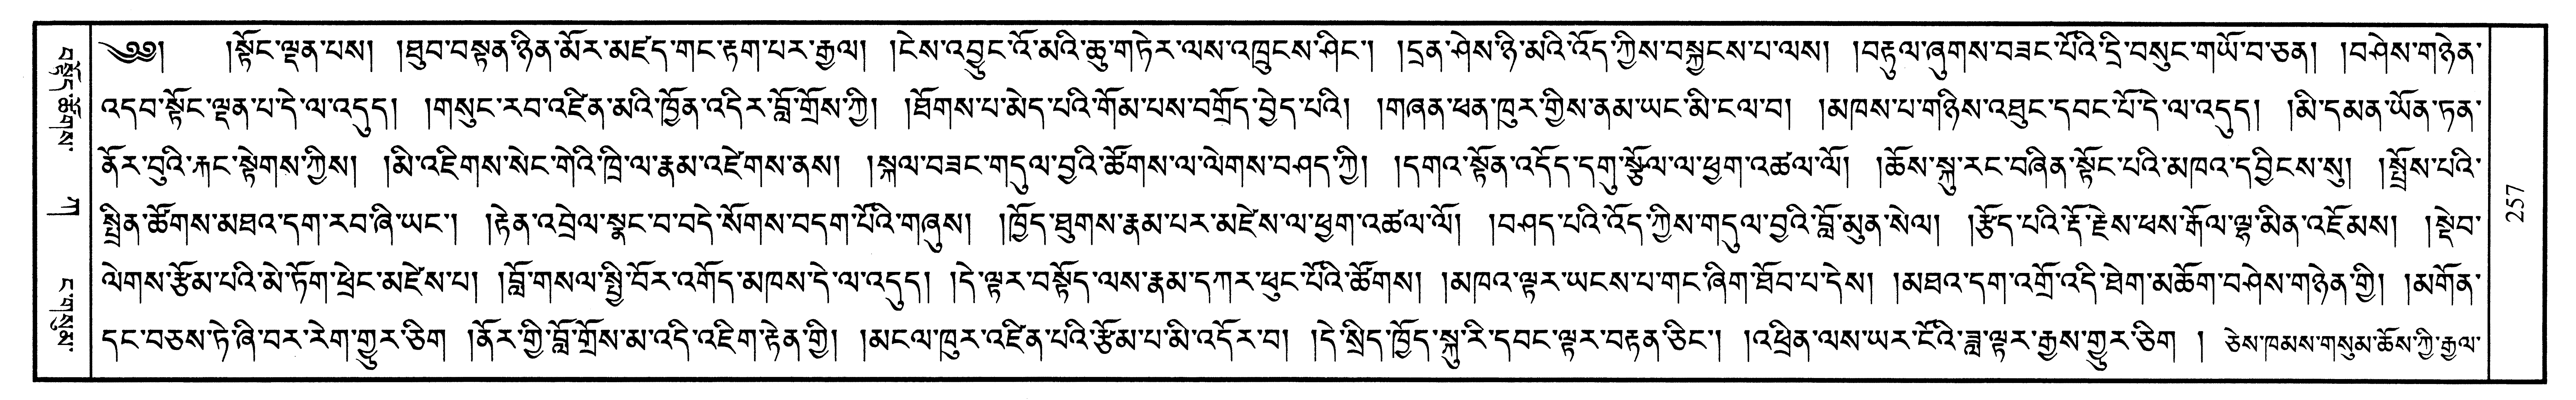༄༅། །སྟོང་ལྡན་པས། །ཐུབ་བསྟན་ཉིན་མོར་མཛད་གང་རྟག་པར་རྒྱལ། །ངེས་འབྱུང་འོ་མའི་ཆུ་གཏེར་ལས་འཁྲུངས་ཤིང་། །དྲན་ཤེས་ཉི་མའི་འོད་ཀྱིས་བསྐྱངས་པ་ལས། །བརྟུལ་ཞུགས་བཟང་པོའི་དྲི་བསུང་གཡོ་བ་ཅན། །བཤེས་གཉེན་
འདབ་སྟོང་ལྡན་པ་དེ་ལ་འདུད། །གསུང་རབ་འཛིན་མའི་ཁྱོན་འདིར་བློ་གྲོས་ཀྱི། །ཐོགས་པ་མེད་པའི་གོམ་པས་བགྲོད་བྱེད་པའི། །གཞན་ཕན་ཁུར་གྱིས་ནམ་ཡང་མི་ངལ་བ། །མཁས་པ་གཉིས་འཐུང་དབང་པོ་དེ་ལ་འདུད། །མི་དམན་ཡོན་ཏན་
ནོར་བུའི་རྐང་སྟེགས་ཀྱིས། །མི་འཇིགས་སེང་གེའི་ཁྲི་ལ་རྣམ་འཛེགས་ནས། །སྐལ་བཟང་གདུལ་བྱའི་ཚོགས་ལ་ལེགས་བཤད་ཀྱི། །དགའ་སྟོན་འདོད་དགུ་སྩོལ་ལ་ཕྱག་འཚལ་ལོ། །ཆོས་སྐུ་རང་བཞིན་སྟོང་པའི་མཁའ་དབྱིངས་སུ། །སྤྲོས་པའི་
སྤྲིན་ཚོགས་མཐའ་དག་རབ་ཞི་ཡང་། །རྟེན་འབྲེལ་སྣང་བ་བདེ་སོགས་བདག་པོའི་གཞུས། །ཁྱོད་ཐུགས་རྣམ་པར་མཛེས་ལ་ཕྱག་འཚལ་ལོ། །བཤད་པའི་འོད་ཀྱིས་གདུལ་བྱའི་བློ་མུན་སེལ། །རྩོད་པའི་རྡོ་རྗེས་ཕས་རྒོལ་ལྷ་མིན་འཇོམས། །སྡེབ་
ལེགས་རྩོམ་པའི་མེ་ཏོག་ཕྲེང་མཛེས་པ། །བློ་གསལ་སྤྱི་བོར་འགོད་མཁས་དེ་ལ་འདུད། །དེ་ལྟར་བསྟོད་ལས་རྣམ་དཀར་ཕུང་པོའི་ཚོགས། །མཁའ་ལྟར་ཡངས་པ་གང་ཞིག་ཐོབ་པ་དེས། །མཐའ་དག་འགྲོ་འདི་ཐེག་མཆོག་བཤེས་གཉེན་གྱི། །མགོན་
དང་བཅས་ཏེ་ཞི་བར་རེག་གྱུར་ཅིག །ནོར་གྱི་བློ་གྲོས་མ་འདི་འཇིག་རྟེན་གྱི། །མངལ་ཁུར་འཛིན་པའི་རྩོམ་པ་མི་འདོར་བ། །དེ་སྲིད་ཁྱོད་སྐུ་རི་དབང་ལྟར་བརྟན་ཅིང་། །འཕྲིན་ལས་ཡར་ངོའི་ཟླ་ལྟར་རྒྱས་གྱུར་ཅིག །ཅེས་ཁམས་གསུམ་ཆོས་ཀྱི་རྒྱལ་